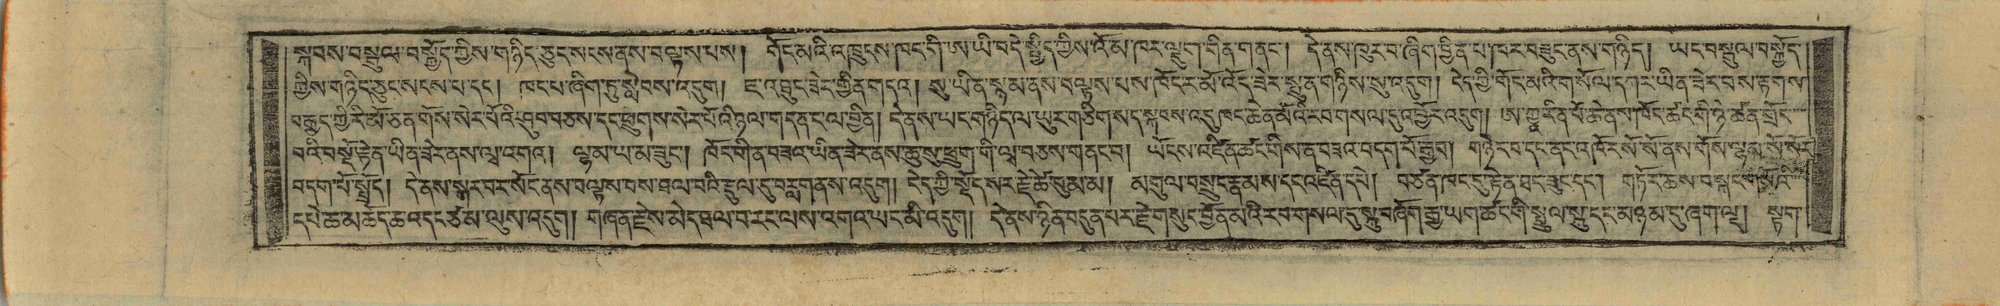སྐབས་བསྒུལ་བསྐྱོད་ཀྱིས་གཉིད་ཅུང་སངས་ནས་བལྟས་པས། གོང་མའི་འཁྲུངས་ཁང་གི་ཨ་ཡི་བདེ་སྤྱིད་ཀྱིས་འོ་མ་ཁར་ལྡུག་གིན་གནང་། དེ་ནས་ཁུར་བ་ཞིག་བྱིན་པ་ཁར་བཟུང་ནས་གཉིད། ཡང་བསྒུལ་བསྐྱོད་
ཀྱིས་གཉིད་ཅུང་སངས་པ་དང་། ཁང་པ་ཞིག་ཏུ་སླེབས་འདུག །ཇ་འཐུང་ཟེར་གྱིན་གདའ། སུ་ཡིན་སྙམ་ནས་བལྟས་པས་ཁོང་ར་མོ་འོད་ཟེར་སྤུན་གཉིས་སུ་འདུག །ངེད་ཀྱི་གོང་མའི་གསོལ་དཀར་ཡིན་ཟེར་བས་རྟགས་
བརྒྱད་ཀྱི་རི་མོ་ཅན་གོས་སེར་པོའི་ཤུབ་བཅས་དང་ཕྲུགས་སེར་པོའི་ཉལ་གདན་ང་ལ་བྱིན། དེ་ནས་ཡང་གཉིད་ལ་ཡུར་གཅིག་སད་སྐབས་འདུ་ཁང་ཆེན་མོའི་རབ་གསལ་དུ་འབྱོར་འདུག །ཨ་ཀྱཱ་རིན་པོ་ཆེ་ནས་ཁོང་ཚང་གི་ཉེ་ཚན་གྲོང་
བའི་བསྔོ་རྟེན་ཡིན་ཟེར་ནས་ལྭ་འགའ། ལྷམ་ཡ་མ་ཟུང་། ཁོང་གི་ན་བཟའ་ཡིན་ཟེར་ནས་ཆུ་སུ་ཕྲུག་གི་ལྭ་བཅས་གནང་བ། ཡོངས་འཛིན་ཚང་གིས་ན་བཟའ་བདག་པོ་རྒྱབ། གཉེར་བ་དང་ནང་འཁོར་སོ་སོ་ནས་གོས་ལྷམ་སོ་སོར་
བདག་པོ་སྤྲོད། དེ་ནས་སྐར་བར་སོང་ནས་བལྟས་བས་ཐལ་བའི་རྡུལ་དུ་བརླག་ནས་འདུག །ངེད་ཀྱི་སྡོད་སར་རྗེ་ཚེ་བུམ་མ། མགུལ་བསྲུང་རྣམས་དང་འཛིན་དཔེ། བཙན་ཁང་དུ་རྟེན་ཐང་ཟུང་དང་། གཏོར་ཆས་བསྐང་གསོའི་
དཔེ་ཆ་མཆོད་ཆ་འདང་ཙམ་ལུས་འདུག །གཞན་རྗེས་མེད་ཐལ་བ་རང་ལས་འགའ་ཡང་མི་འདུག །དེ་ནས་ཉིན་བདུན་པར་རྗེ་གསུང་བྱོན་མའི་རབ་གསལ་དུ་སྐུ་བཞོག་རྒྱ་ཡག་ཚང་གི་སྤྲུལ་སྐུ་དང་མཉམ་དུ་ཞག་ལྔ། སྟག་